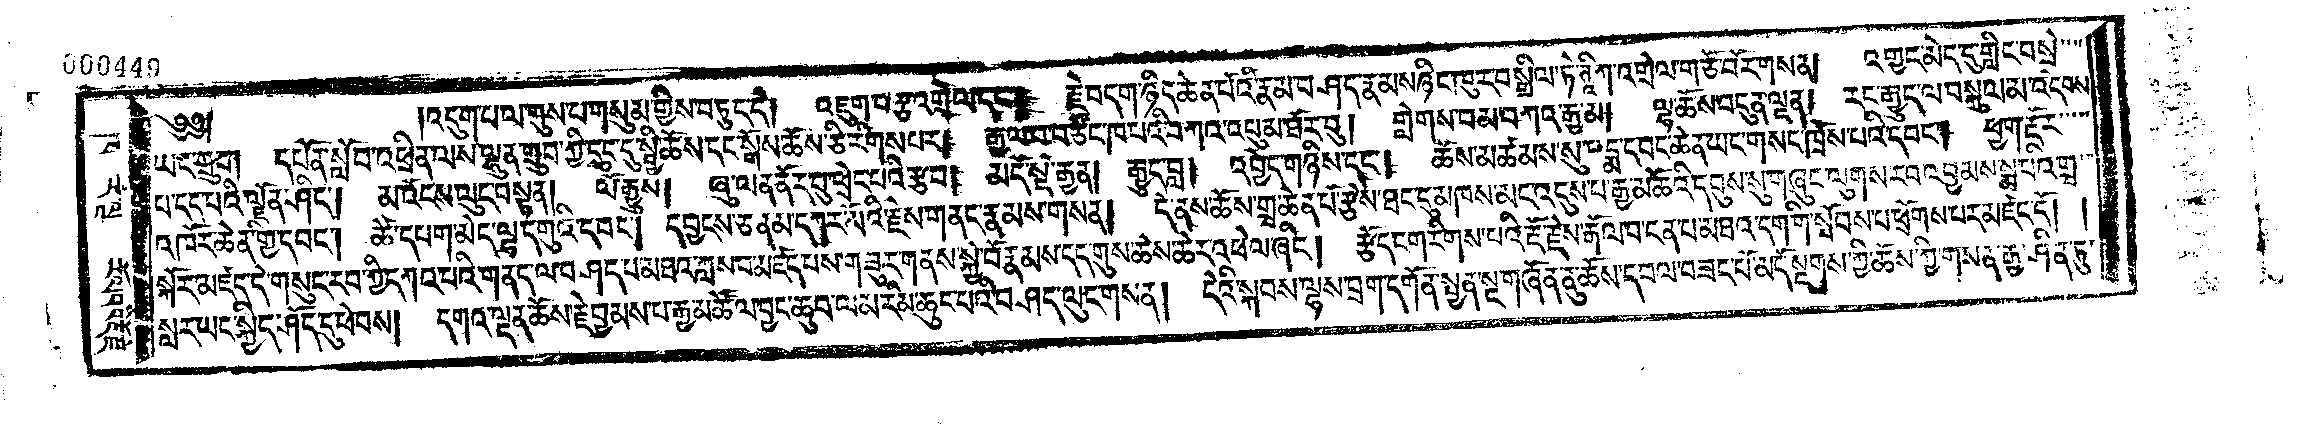༄༅། །འདུག་པ་ལ་གུས་པ་གསུམ་གྱིས་བཏུང་དེ། འཇུག་པ་རྩ་འགྲེལ་དང་། རྗེ་བདག་ཉིད་ཆེན་པོའི་རྣམ་བཤད་རྣམས་ཉིང་ཁུར་བསྒྲིལ་ཏེ་ཊཱི་ཀ་འགྲེལ་གཙོ་བོར་གསན། འགྱང་མེད་དུ་གླིང་བསྲེ་
ཡང་གྲུབ། དཔོན་སློབ་འཕྲིན་ལས་ལྷུན་གྲུབ་ཀྱི་དྲུང་དུ་སྤྱི་ཆོས་དང་སྒོས་ཆོས་ཅི་རིགས་པར། རྒྱལ་བ་བཙོང་ཁ་པའི་བཀའ་འབུམ་ཐོར་བུ། གླེགས་བམ་བཀའ་རྒྱ་མ། ལྷ་ཆོས་བདུན་ལྡན། རང་རྒྱུད་ལ་བསྐུལ་མ་འདེབས་
པ་དད་པའི་ལྗོན་ཤིང་། མ་འོངས་ལུང་བསྟན། ལོ་རྒྱུས། ཞུ་ལན་ནོར་བུ་ཕྲེང་བའི་རྩ་བ། མདོ་སྡེ་རྒྱན། རྒྱུད་བླ། འབྱེད་གཉིས་དང་། ཆོས་མཚམས་སུ་པདམ་དབང་ཆེན་ཡང་གསང་ཁྲོས་པའི་དབང་། ཕྱག་རྡོར་
འཁོར་ཆེན་གྱི་དབང་། ཚེ་དཔག་མེད་ལྷ་དགུའི་དབང་། དབྱངས་ཅན་མ་དཀར་མོའི་རྗེས་གནང་རྣམས་གསན། དེ་ནས་ཆོས་གྲྭ་ཆེན་པོ་རྩེས་ཐང་དུ་མཁས་མང་འདུས་པ་རྒྱ་མཚོའི་དབུས་སུ་གཞུང་ལུགས་རབ་འབྱམས་སྨྲ་བའི་གྲྭ་
སྐོར་མཛད་དེ་གསུང་རབ་ཀྱི་དཀའ་བའི་གནད་ལ་བཤད་པ་མཐའ་ཀླས་པ་མཛད་པས་གཟུར་གནས་སྐྱེ་བོ་རྣམས་དད་གུས་ཆེས་ཆེར་འཕེལ་ཞིང་། རྩོད་ངག་རིགས་པའི་རྡོ་རྗེས་རྒོལ་བ་ངན་པ་མཐའ་དག་གི་སྤོབས་པ་ཕྲོགས་པར་མཛད་དོ། །
སླར་ཡང་སྐྱིད་ཤོད་དུ་ཕེབས། དགའ་ལྡན་ཆོས་རྗེ་བྱམས་པ་རྒྱ་མཚོ་ལ་བྱང་ཆུབ་ལམ་རིམ་ཆུང་བའི་བཤད་ལུང་གསན། དེའི་སྐབས་ལྷས་བྲག་དགོན་སྤྱན་སྔ་གཞོན་ནུ་ཆོས་དཔལ་བཟང་པོ་མདོ་སྔགས་ཀྱི་ཆོས་ཀྱི་གསན་རྒྱ་ཤིན་ཏུ་